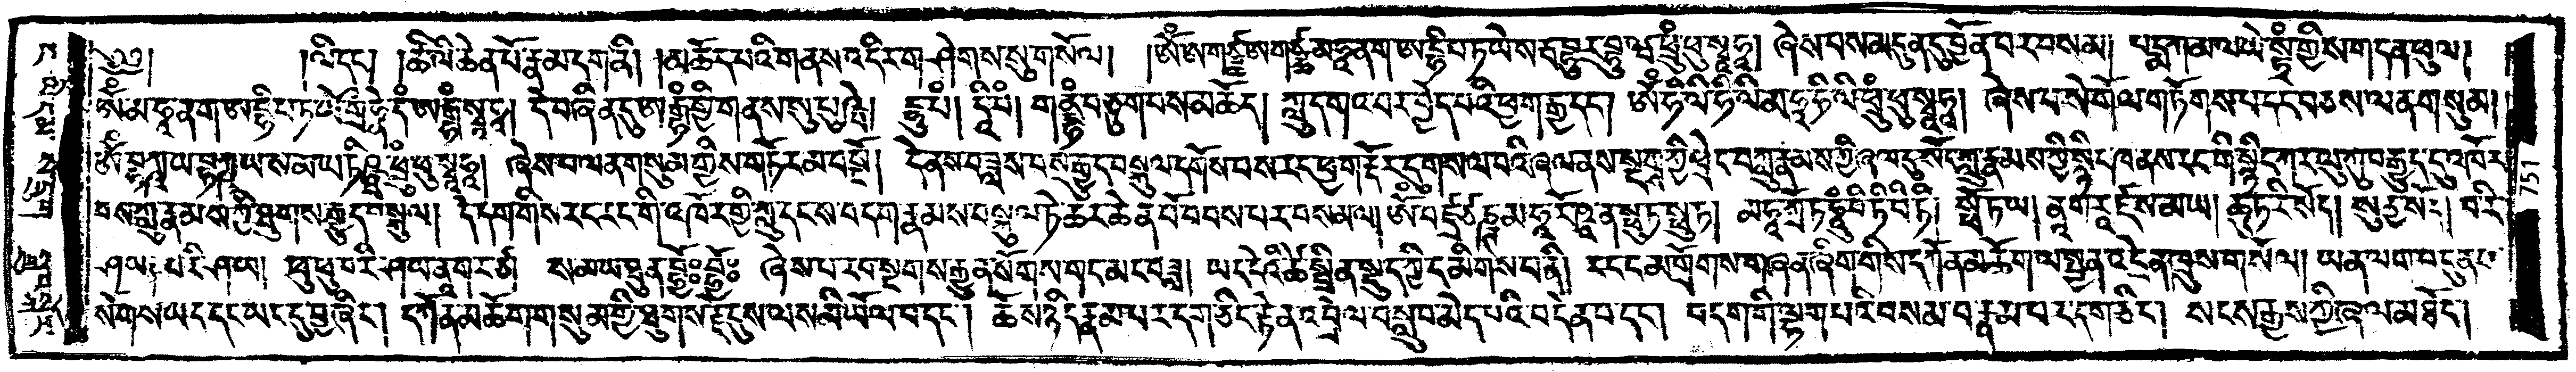༄༅། །ལི་དང་། །ཚི་ལི་ཆེན་པོ་རྣམ་དག་ནི། །མཆོད་པའི་གནས་འདིར་གཤེགས་སུ་གསོལ། །ཨོཾ་ཨ་གཙྪ་ཨ་གཙྪ་མ་ཧཱ་ན་ག་ཨ་དྷི་པ་ཏ་ཡེ་སརྦ་བྷུར་བྷུ་ཝ་ཕྲུཾ་ཕུ་སྭཱཧཱ། ཞེས་བས་མདུན་དུ་བྱོན་པར་བསམ། པདམ་ཀ་མ་ལ་ཡེ་སྟྭཾ་གྱིས་གདན་ཕུལ།
ཨོཾ་མ་ཧཱ་ནག་ཨ་དྷི་པ་ཏ་ཡོ་གྲཾ་ཧྣེ་དཾ་ཨརྒྷཾ་སྭཱཧཱ། དེ་བཞིན་དུ་ཨརྒྷཾ་གྱི་གནས་སུ་པུཥྤེ། དྷུ་པཾ། དཱི་པཾ། གནྡྷཾ་བཅུག་བས་མཆོད། ཀླུ་དགའ་བར་བྱེད་པའི་ཕྱག་རྒྱ་དང་། ཨོཾ་ཧི་ལི་ཧི་ལི་མ་ཧཱ་ཧི་ལི་ཕྲུཾ་ཕུ་སྭཱཧཱ། ཞེས་པ་སེ་གོལ་གཏོགས་པ་དང་བཅས་ལན་གསུམ།
ཨོཾ་བྷཀྵ་ཡ་བྷཀྵ་ཡ་ས་མ་ཡ་ཏིཥཊཿཨ་ཕྲུཾ་ཕུ་སྭཱཧཱ། ཞེས་པ་ལན་གསུམ་གྱིས་གཏོར་མ་བསྔོ། དེ་ནས་བཟླས་བས་རྒྱུད་བསྐུལ་དོགས་པས་རང་ཕྱག་རྡོར་དུ་གསལ་བའི་ཞལ་ནས་སྔགས་ཀྱི་ཕྲེང་བ་ཀླུ་རྣམས་ཀྱི་ཞལ་དུ་སོང་ཀླུ་རྣམས་ཀྱི་སྙིང་ཁ་ནས་རང་གི་སྙིང་ཀར་ལུ་ཀུ་བརྒྱུད་དུ་འཁོར་
བས་ཀླུ་རྣམས་ཀྱི་ཐུགས་རྒྱུད་བསྐུལ། དེ་དག་གིས་རང་རང་གི་འཁོར་གྱི་ཀླུ་དངགས་བདག་རྣམས་བསྐུལ་ཏེ་ཆར་ཆེན་པོ་བབས་པར་བསམ་ལ། ཨོཾ་བཛྲ་ཙཎྚ་མ་ཧཱ་རོ་ཥཱ་ན་སྥུ་ཏ་སྥུ་ཏ། མཧཱ་ཀྲོ་ཏ་ཧཱུཾ་བི་ཏི་བི་ཏི། སྥོ་ཏ་ཡ། ནཱ་ག་རཱ་ཛ་ས་མཡ། ཆུ་ཏ་རི་སོད། སུ་རྱ་སོད། བ་རི་
ཤལ༑ བ་རི་ཤ་ཡ། ཕུ་ཕུ་བ་རི་ཤ་ཡ་ནཱ་ག་ར་ཙ། ས་མ་ཡ་ཐུན་བྷྱོཿ བྷྱོཿ ཞེས་པ་རབ་སྔགས་རྒྱུན་སོགས་གང་མང་བཟླ། ཡང་དེའི་ཚེ་སྤྲིན་སྡུད་ཀྱི་དམིགས་བ་ནི། རང་ངམ་གྲོགས་གཞན་ཞིག་གིས་དཀོན་མཆོག་ལ་སྤྱན་འདྲེན་ཁྲུས་གསོལ། ཡན་ལག་བདུན་པ་
སོགས་ཡང་དང་ཡང་དུ་བྱ་ཞིང་། དཀོན་མཆོག་གསུམ་གྱི་ཐུགས་རྗེ་དུས་ལས་མི་ཡོལ་བ་དང་། ཆོས་ཉིད་རྣམ་པར་དག་ཅིང་རྟེན་འབྲེལ་བསླུ་བ་མེད་པའི་བདེན་པ་དང་། བདག་གི་ལྷག་བའི་བསམ་པ་རྣམ་པར་དག་ཅིང་། སངས་རྒྱས་ཀྱི་ཞལ་མཐོང་།